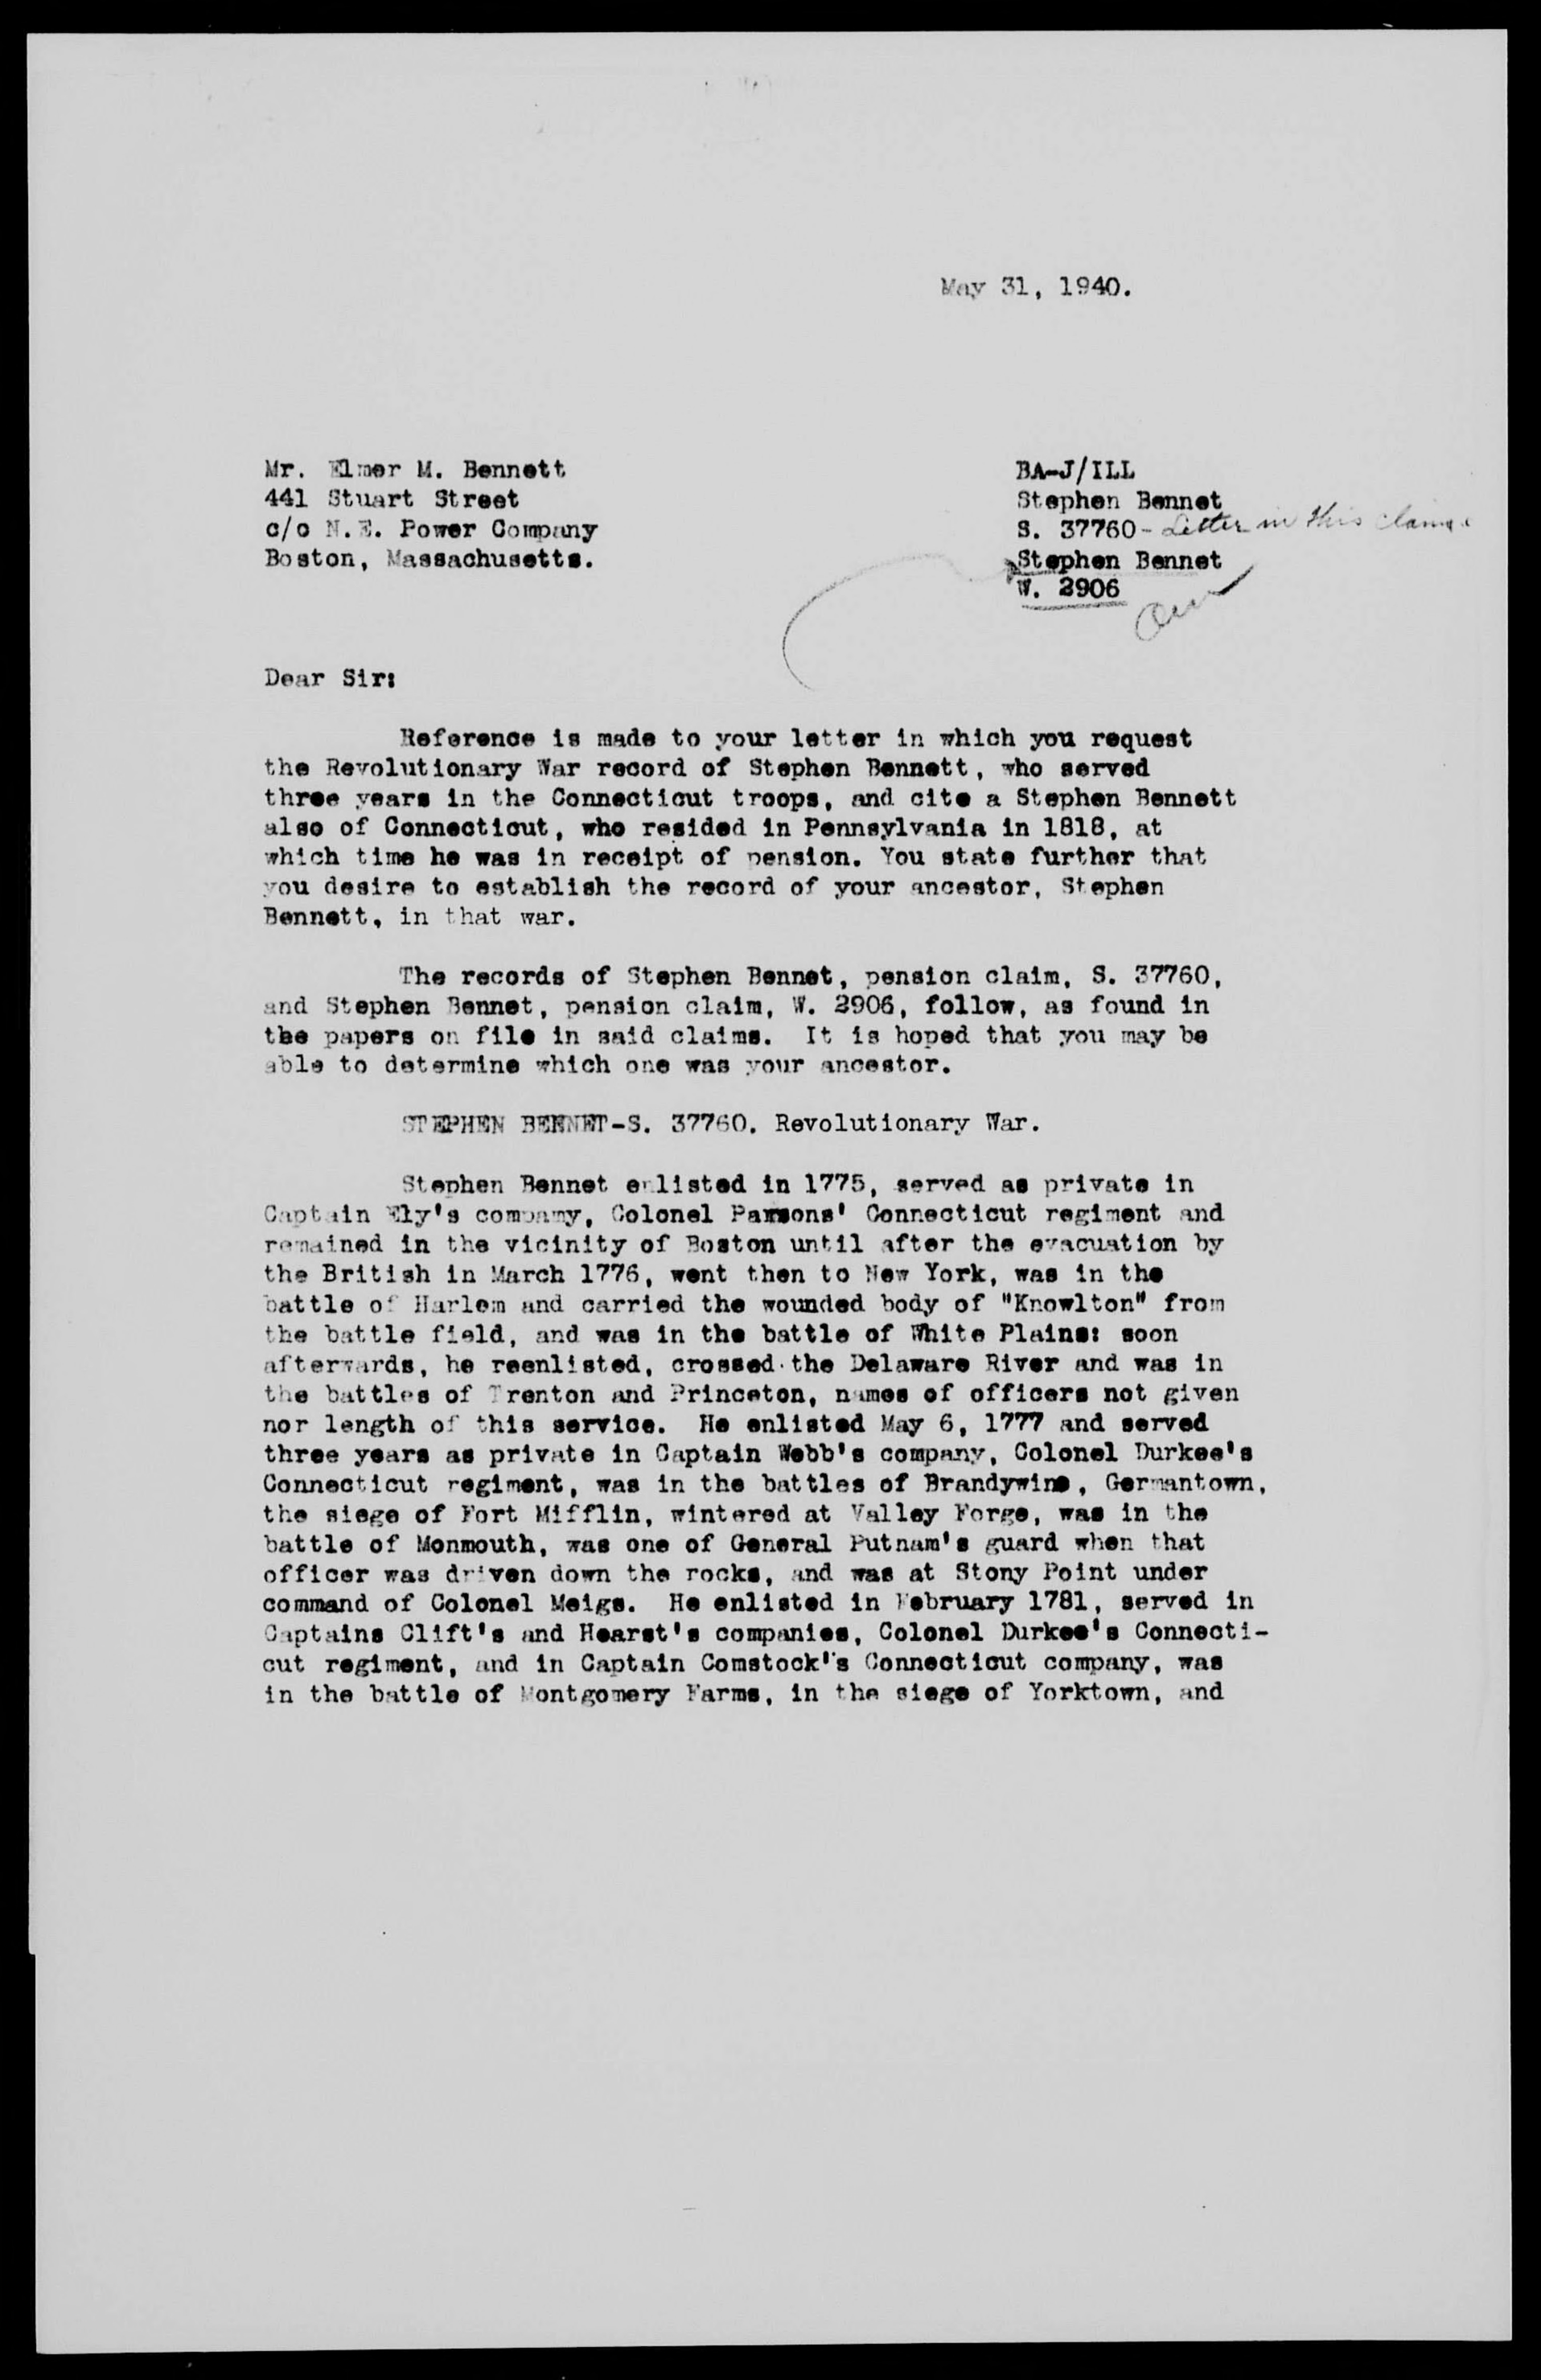May 31, 1940. Mr. Elmer M. Bennett BA-J/ILL 441 Stuart Street Stephen Bennet c/o N. E. Power Company S. 37760 -Letter in this claim [handwritten] Boston, Massachusetts. Stephen Bennet [underlined, with arrow] W. 2906 [underlined] Dear Sir: Reference is made to your letter in which you request the Revolutionary War record of Stephen Bennett, who served three years in the Connecticut troops, and cite a Stephen Bennett also of Connecticut, who resided in Pennsylvania in 1818, at which time he was in receipt of pension. You state further that you desire to establish the record of your ancestor, Stephen Bennett, in that war. The records of Stephen Bennet, pension claim, S. 37760, and Stephen Bennet, pension claim, W. 2906, follow, as found in the papers on file in said claims. It is hoped that you may be able to determine which one was your ancestor. STEPHEN BENNET-S. 37760, Revolutionary War. Stephen Bennett enlisted in 1775, served as private in Captain Ely's company, Colonel Parsons' Connecticut regiment and remained in the vicinity of Boston until after the evacuation by the British in March 1776, went then to New York, was in the battle of Harlem and carried the wounded body of "Knowlton" from the battle field, and was in the battle of White Plains: soon afterwards, he reenlisted, crossed the Delaware River and was in the battles of Trenton and Princeton, names of officers not given nor length of this service. He enlisted May 6, 1777 and served three years as private in Captain Webb's company, Colonel Durkee's Connecticut regiment, was in the battles of Brandywine, Germantown, the siege of Fort Mifflin, wintered at Valley Forge, was in the battle of Monmouth, was one of General Putnam's guard when that officer was driven down the rocks, and was at Stony Point under command of Colonel Meigs. He enlisted in February 1781, served in Captains Clift's and Hearst's companies, Colonel Durkee's Connecticut regiment, and in Captain Comstock's Connecticut company, was in the battle of Montgomery Farms, in the siege of Yorktown, and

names: Stephen Bennet, Stephen Bennet, Elmer M Bennett, Stephen Bennet, Stephen Bennet, Putnam, Meigs, Stephen Bennett, Stephen Bennett, Stephen Bennet, Stephen Bennet, Stephen Bennett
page: 72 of 79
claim: widow's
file: W. 2,906, Stephen Bennet, Conn.